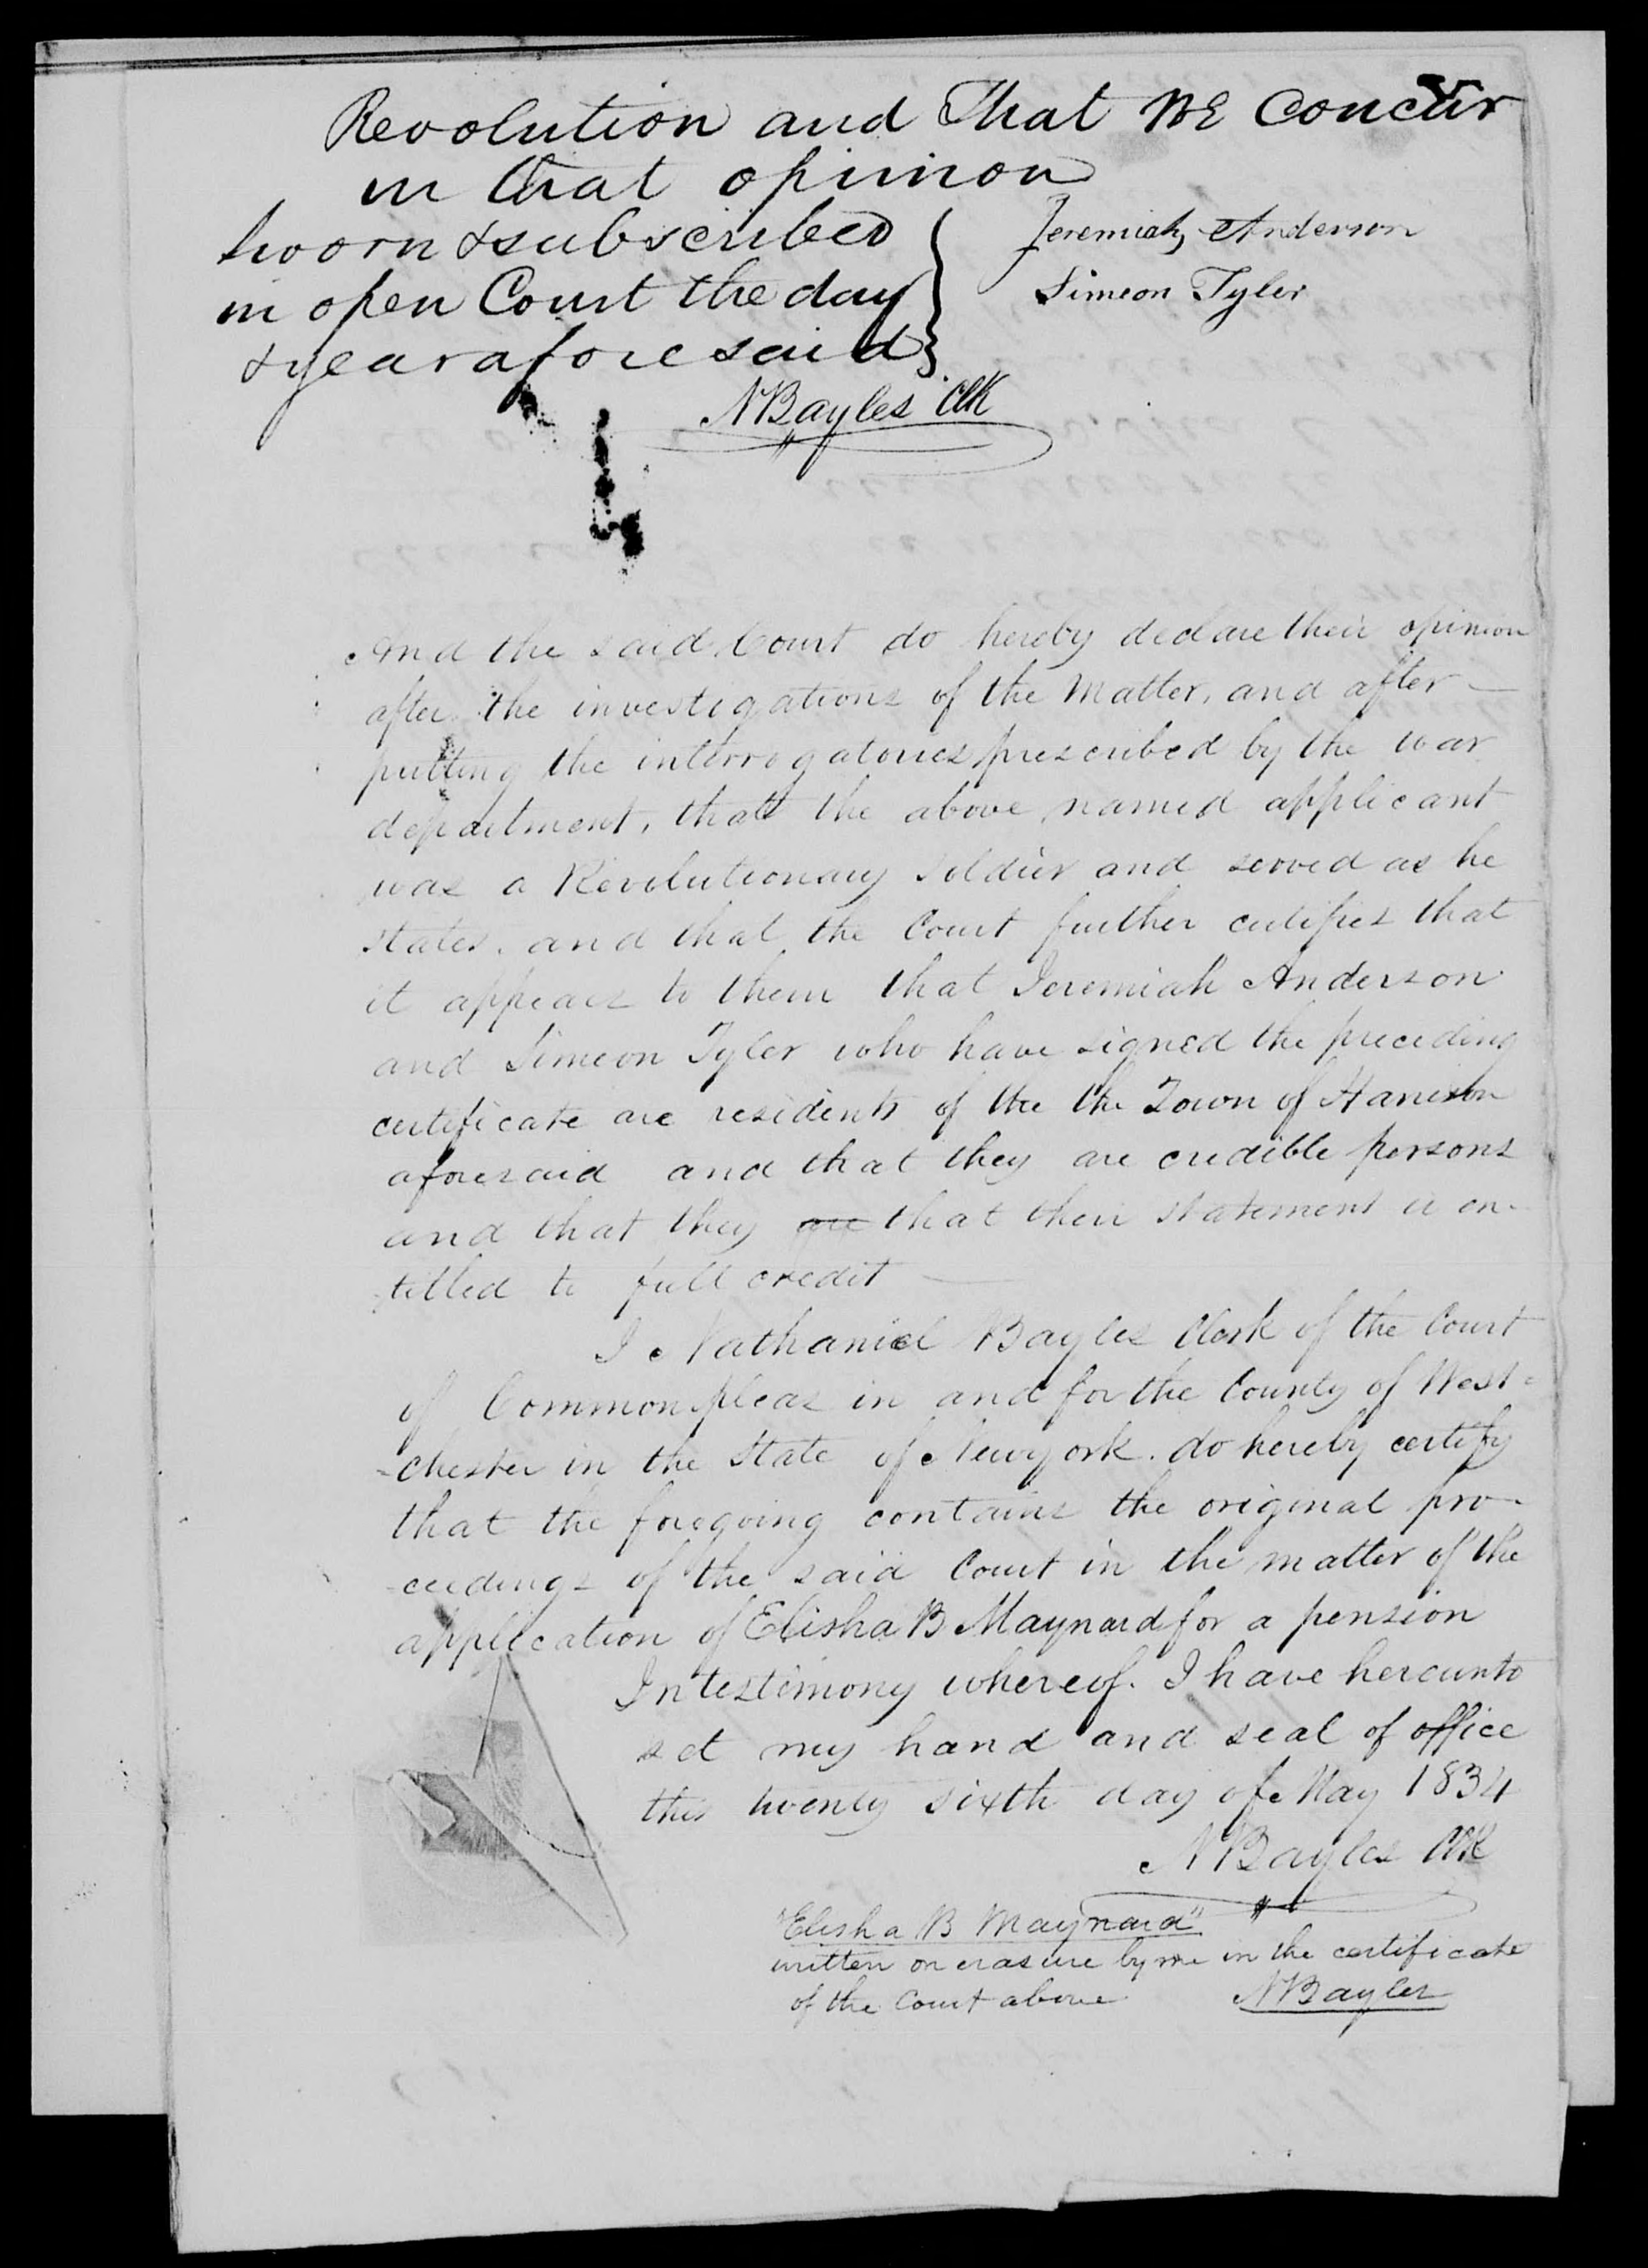Revolution and That we concur in that opinion 
[Signed] Jeremiah Anderson
[Signed]Simeon Tyler
Sworn & subscribed in open Court the day & year aforesaid 
[Signed] N Bayles Clk

And the said Court do hereby declare their opinion after the investigations of the Matter, and after putting the interrogatories prescribed by the war department, that the above named applicant was a Revolutionary Soldier and served as he States, and that the Court further certifies that it appears to them that Jeremiah Anderson and Simeon Tyler who have signed the preceding certificate are residents of the the Town of Harrison aforesaid and that they are credible persons and that they that their statement is entitled to full credit
I Nathaniel Bayles Clerk of the Court Common pleas in and for the County of Westchester in the State of New York do hereby certify that the foregoing contains the original proceedings of the said Court in the matter of the application of Elisha B Maynard for a pension 
In testimony whereof I have hereunto set my hand and seal of office this twenty sixth day of May 1834 
[SEAL]
[Signed] N Bayles Clk
"Elisha B Maynard" written on erasure by me in the certificate of the Court above
[Signed] N Bayles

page: 13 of 33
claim: rejected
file: R. 7,063, for Elisha B Maynard, New York